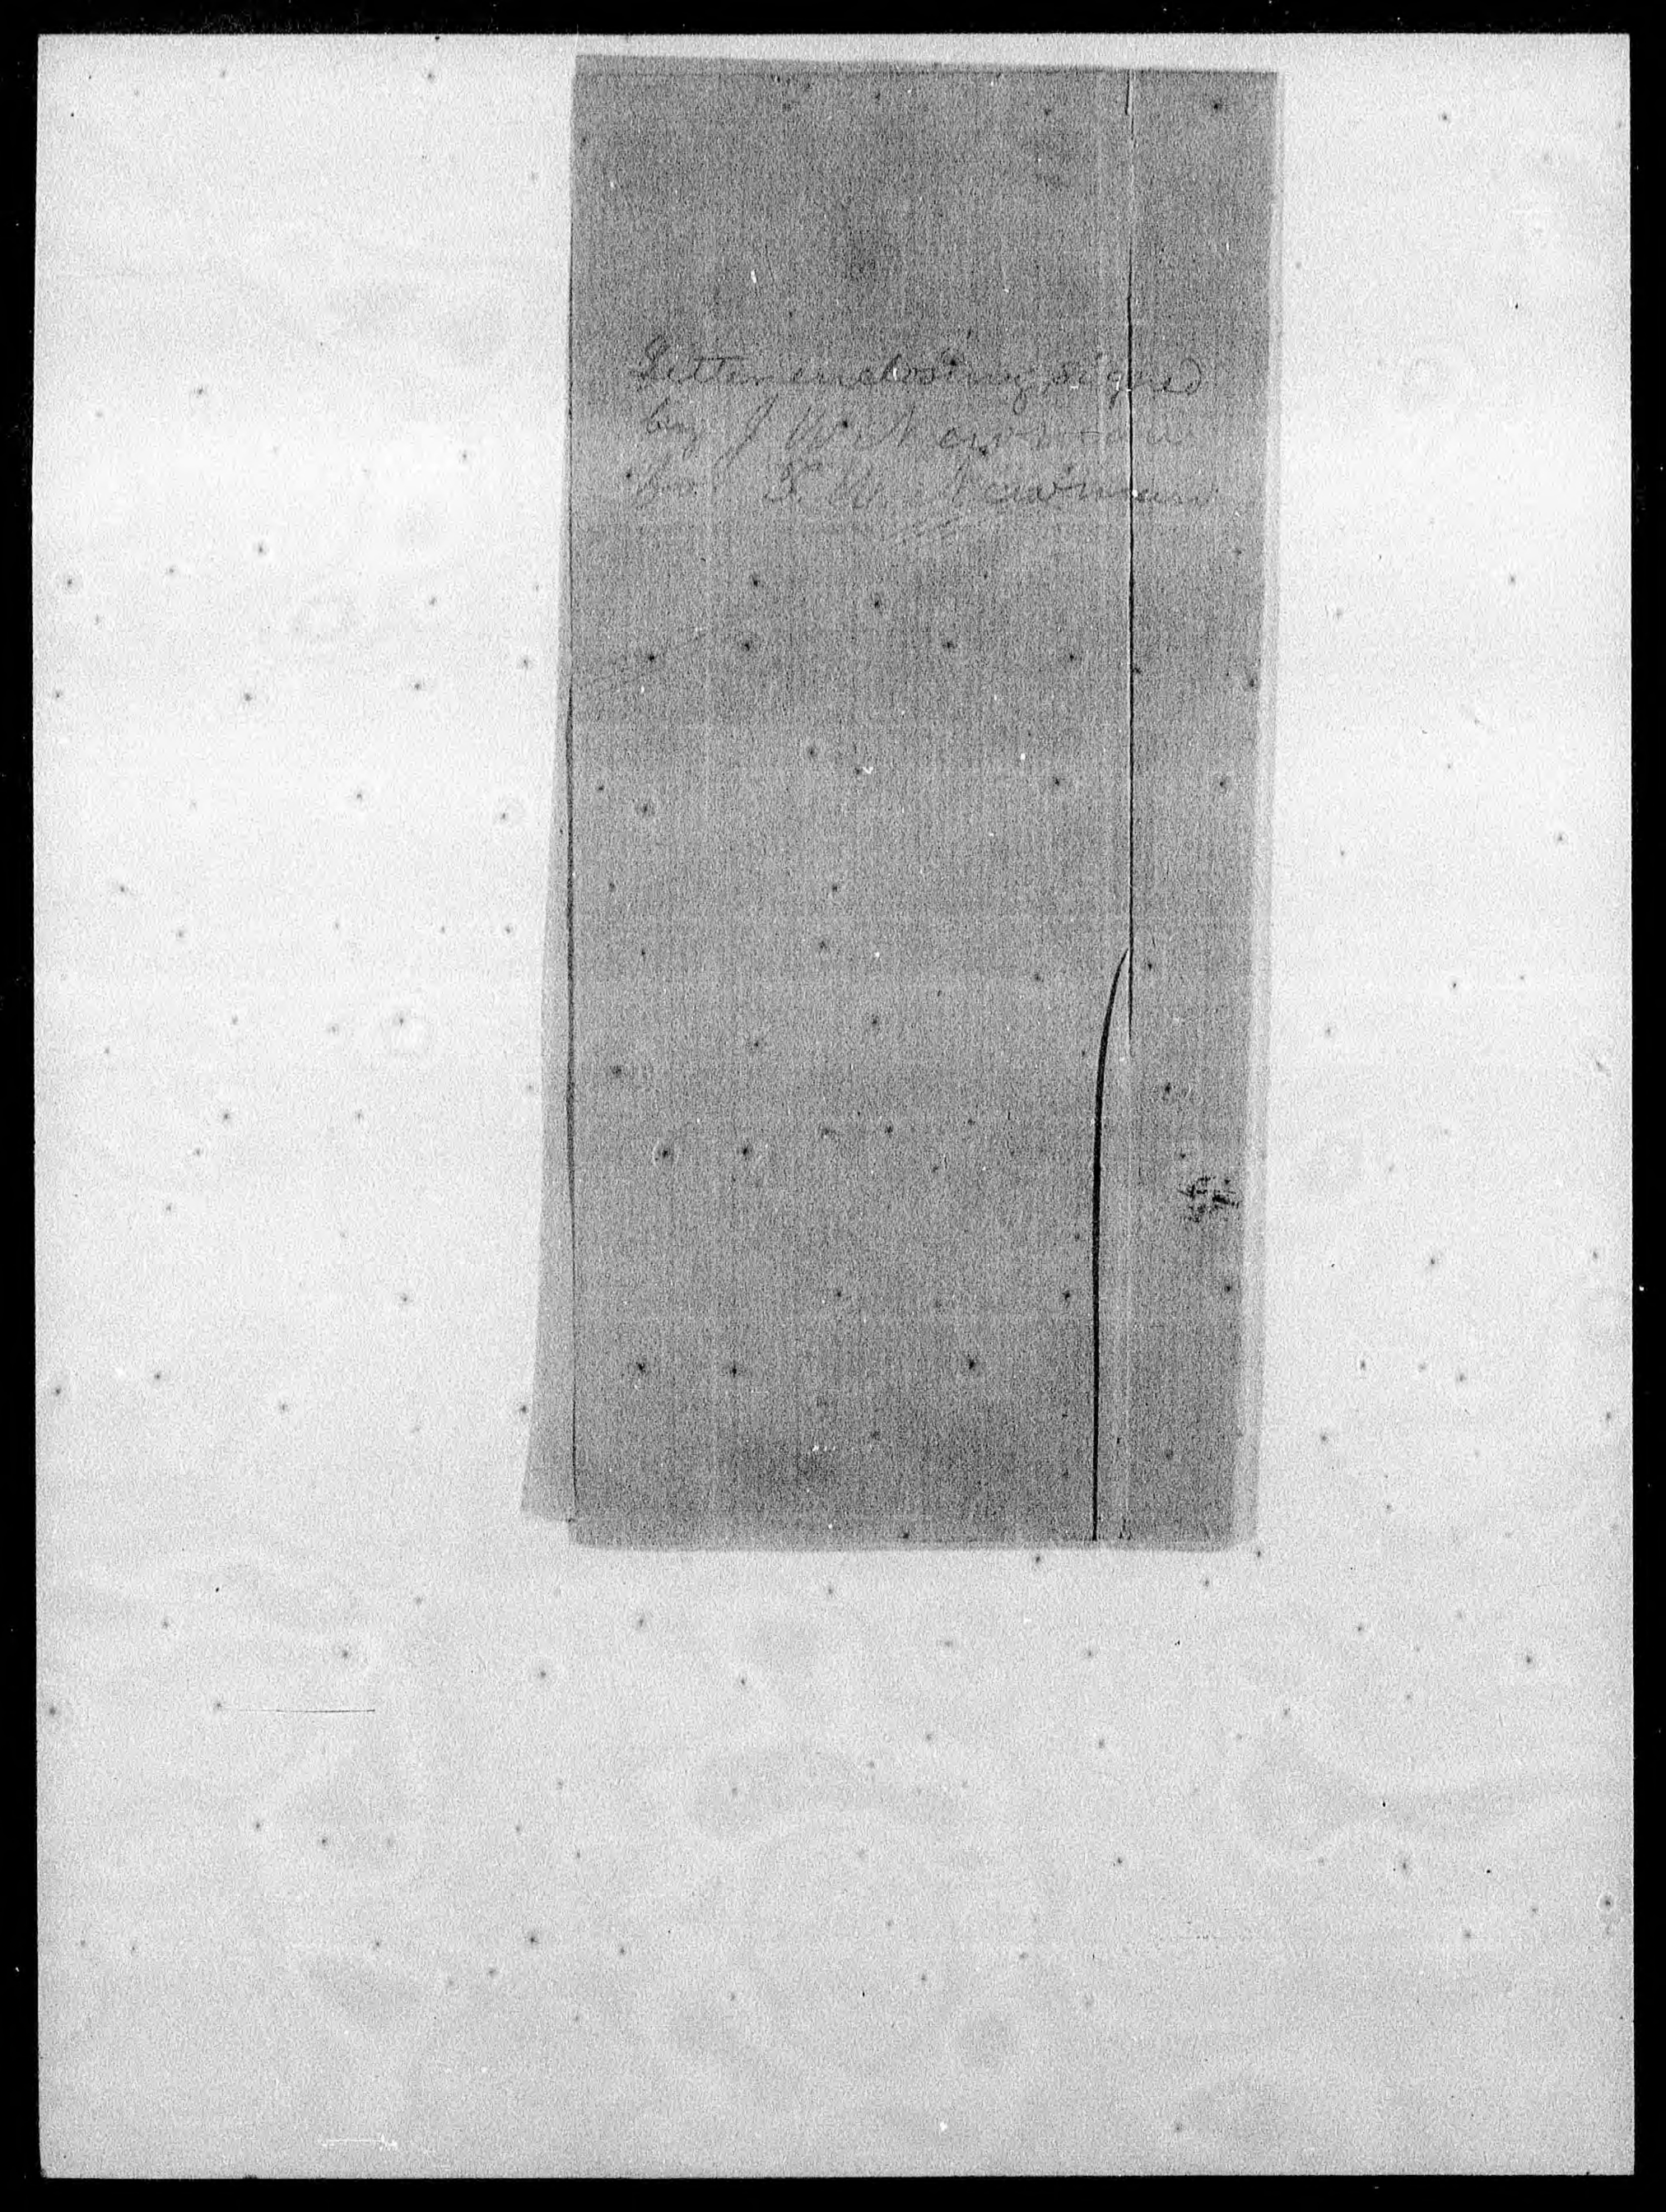Letter enclosing signed
by J W Newman
for T. W. Newman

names: J W Newman, T W Newman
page: 28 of 74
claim: widow's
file: W. 5, Joseph Hatfield, Va.